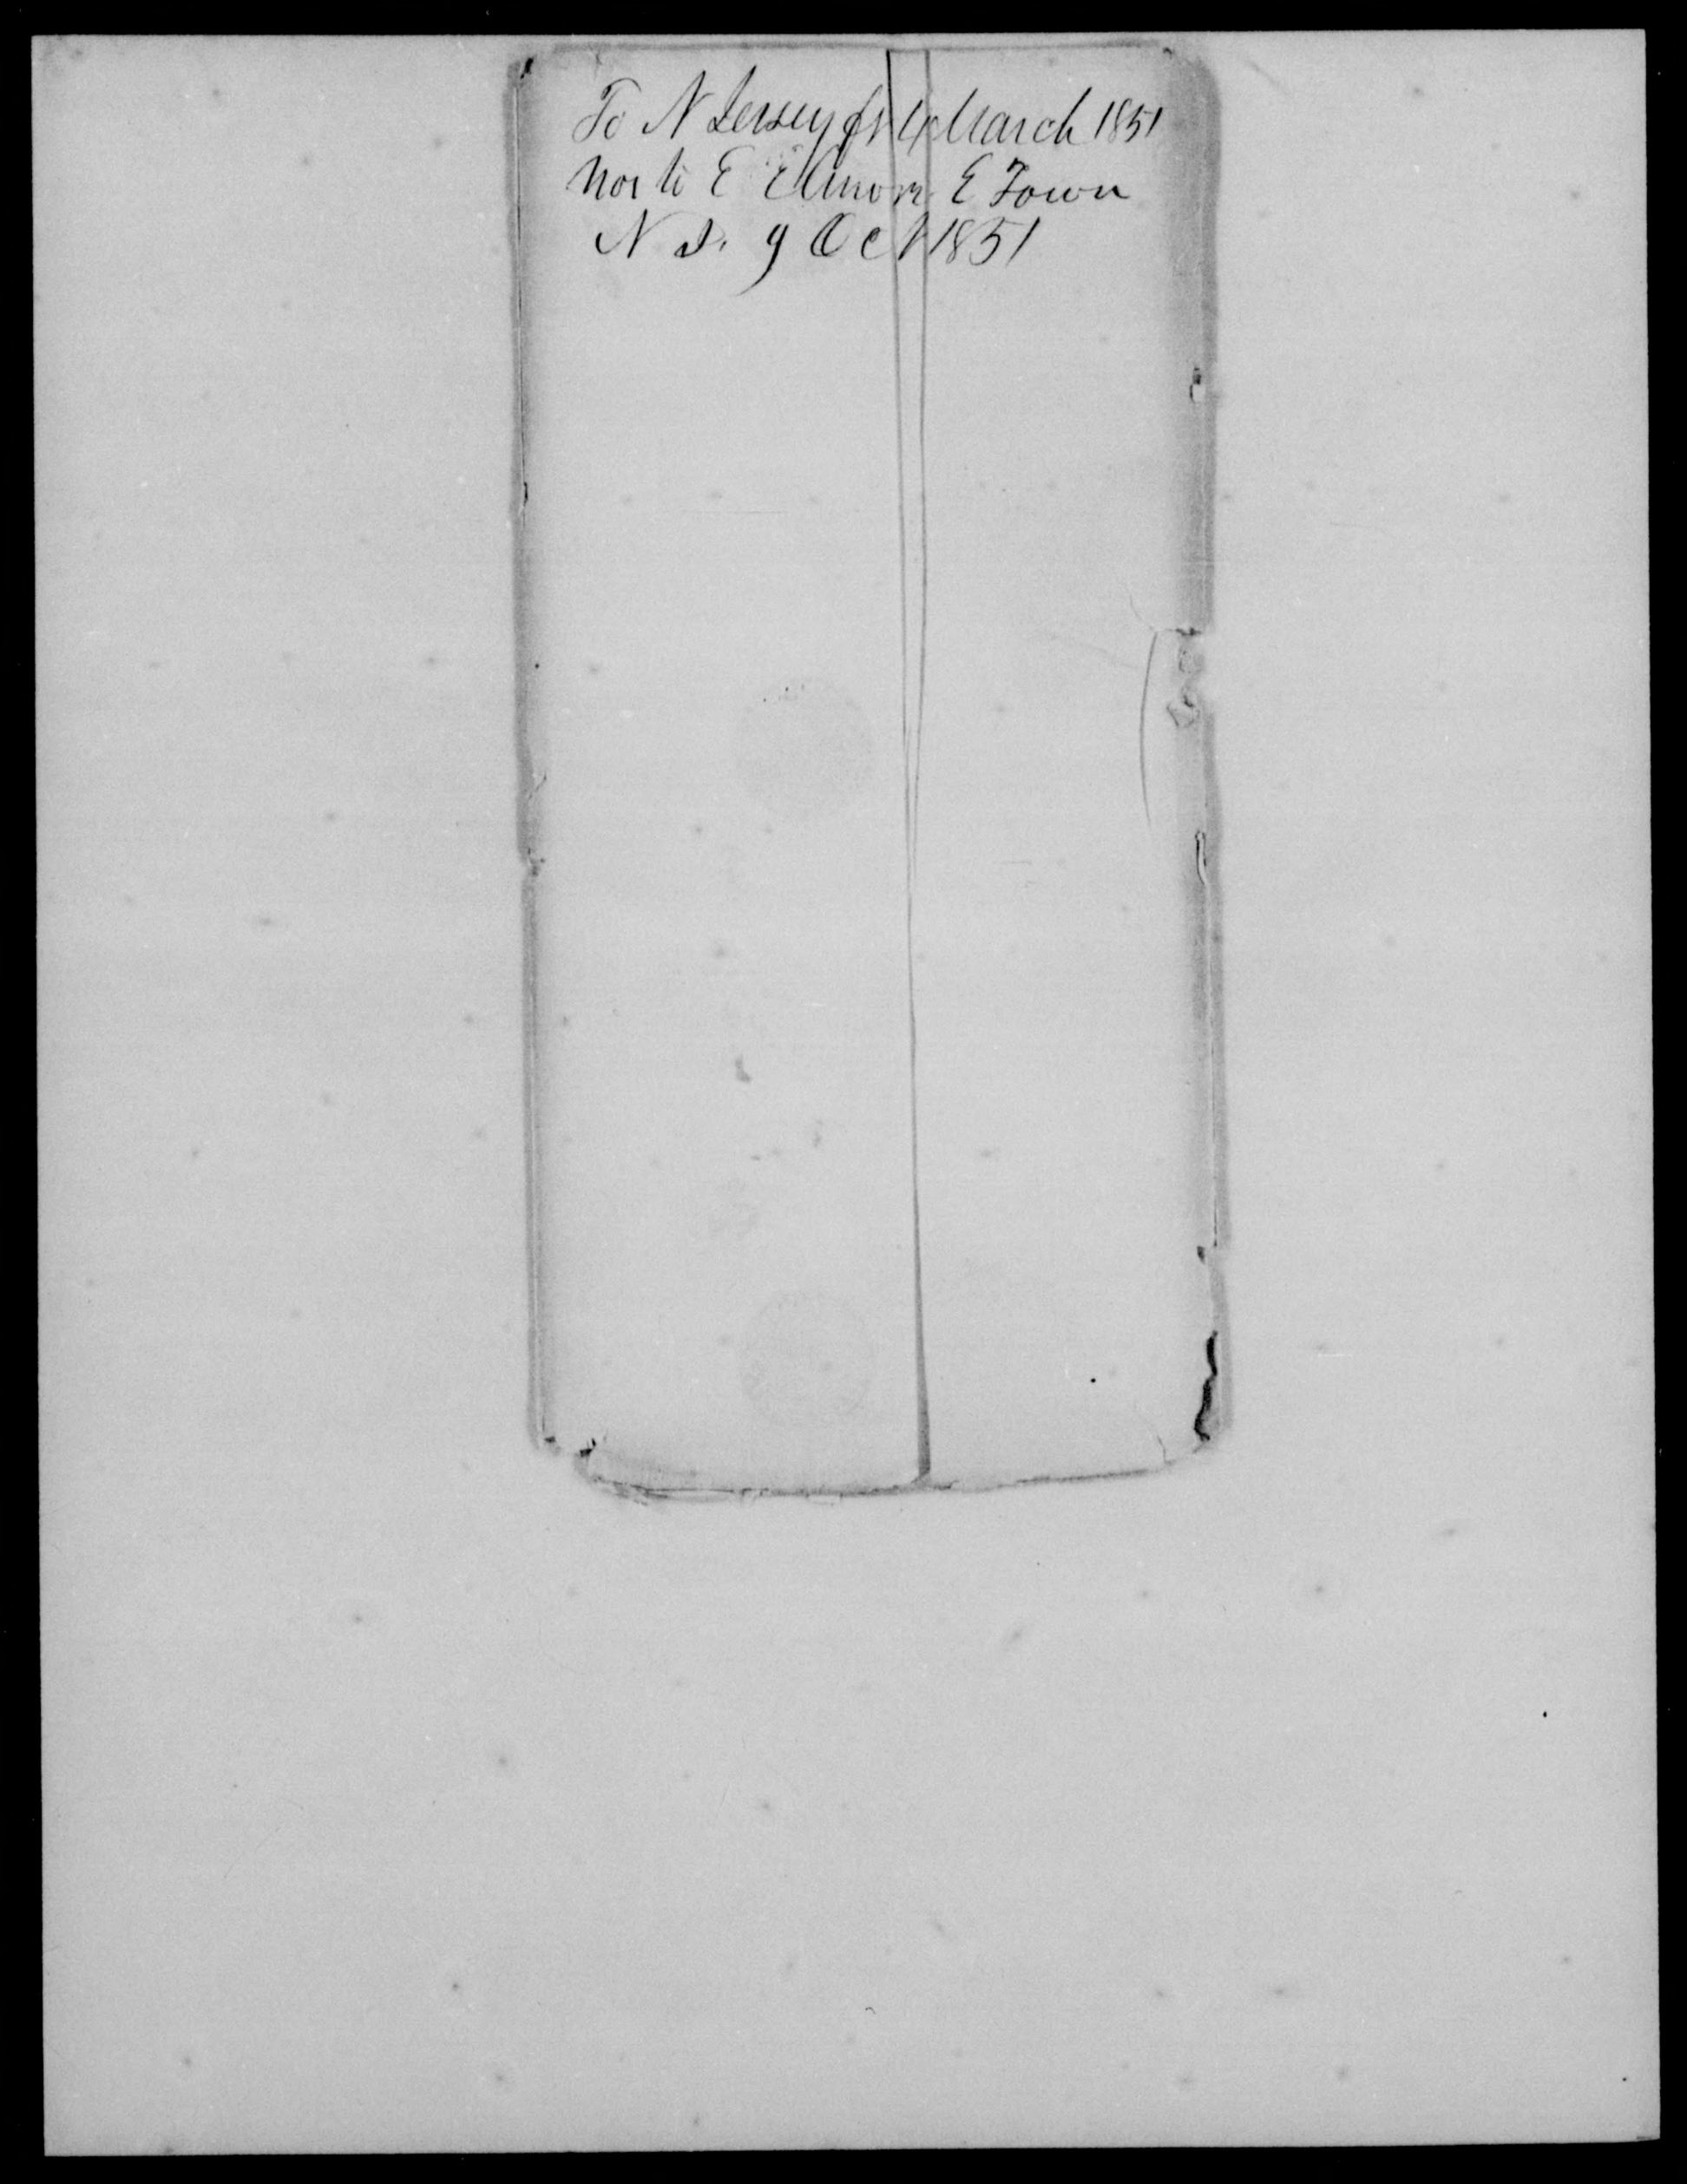To n Jersey fr 4 March 1857
no li E Elmore E Town
NJ 4 Oct 1851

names: E Elmore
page: 4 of 65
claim: widow's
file: W. 7197, for Jonathan Spear, Vermont